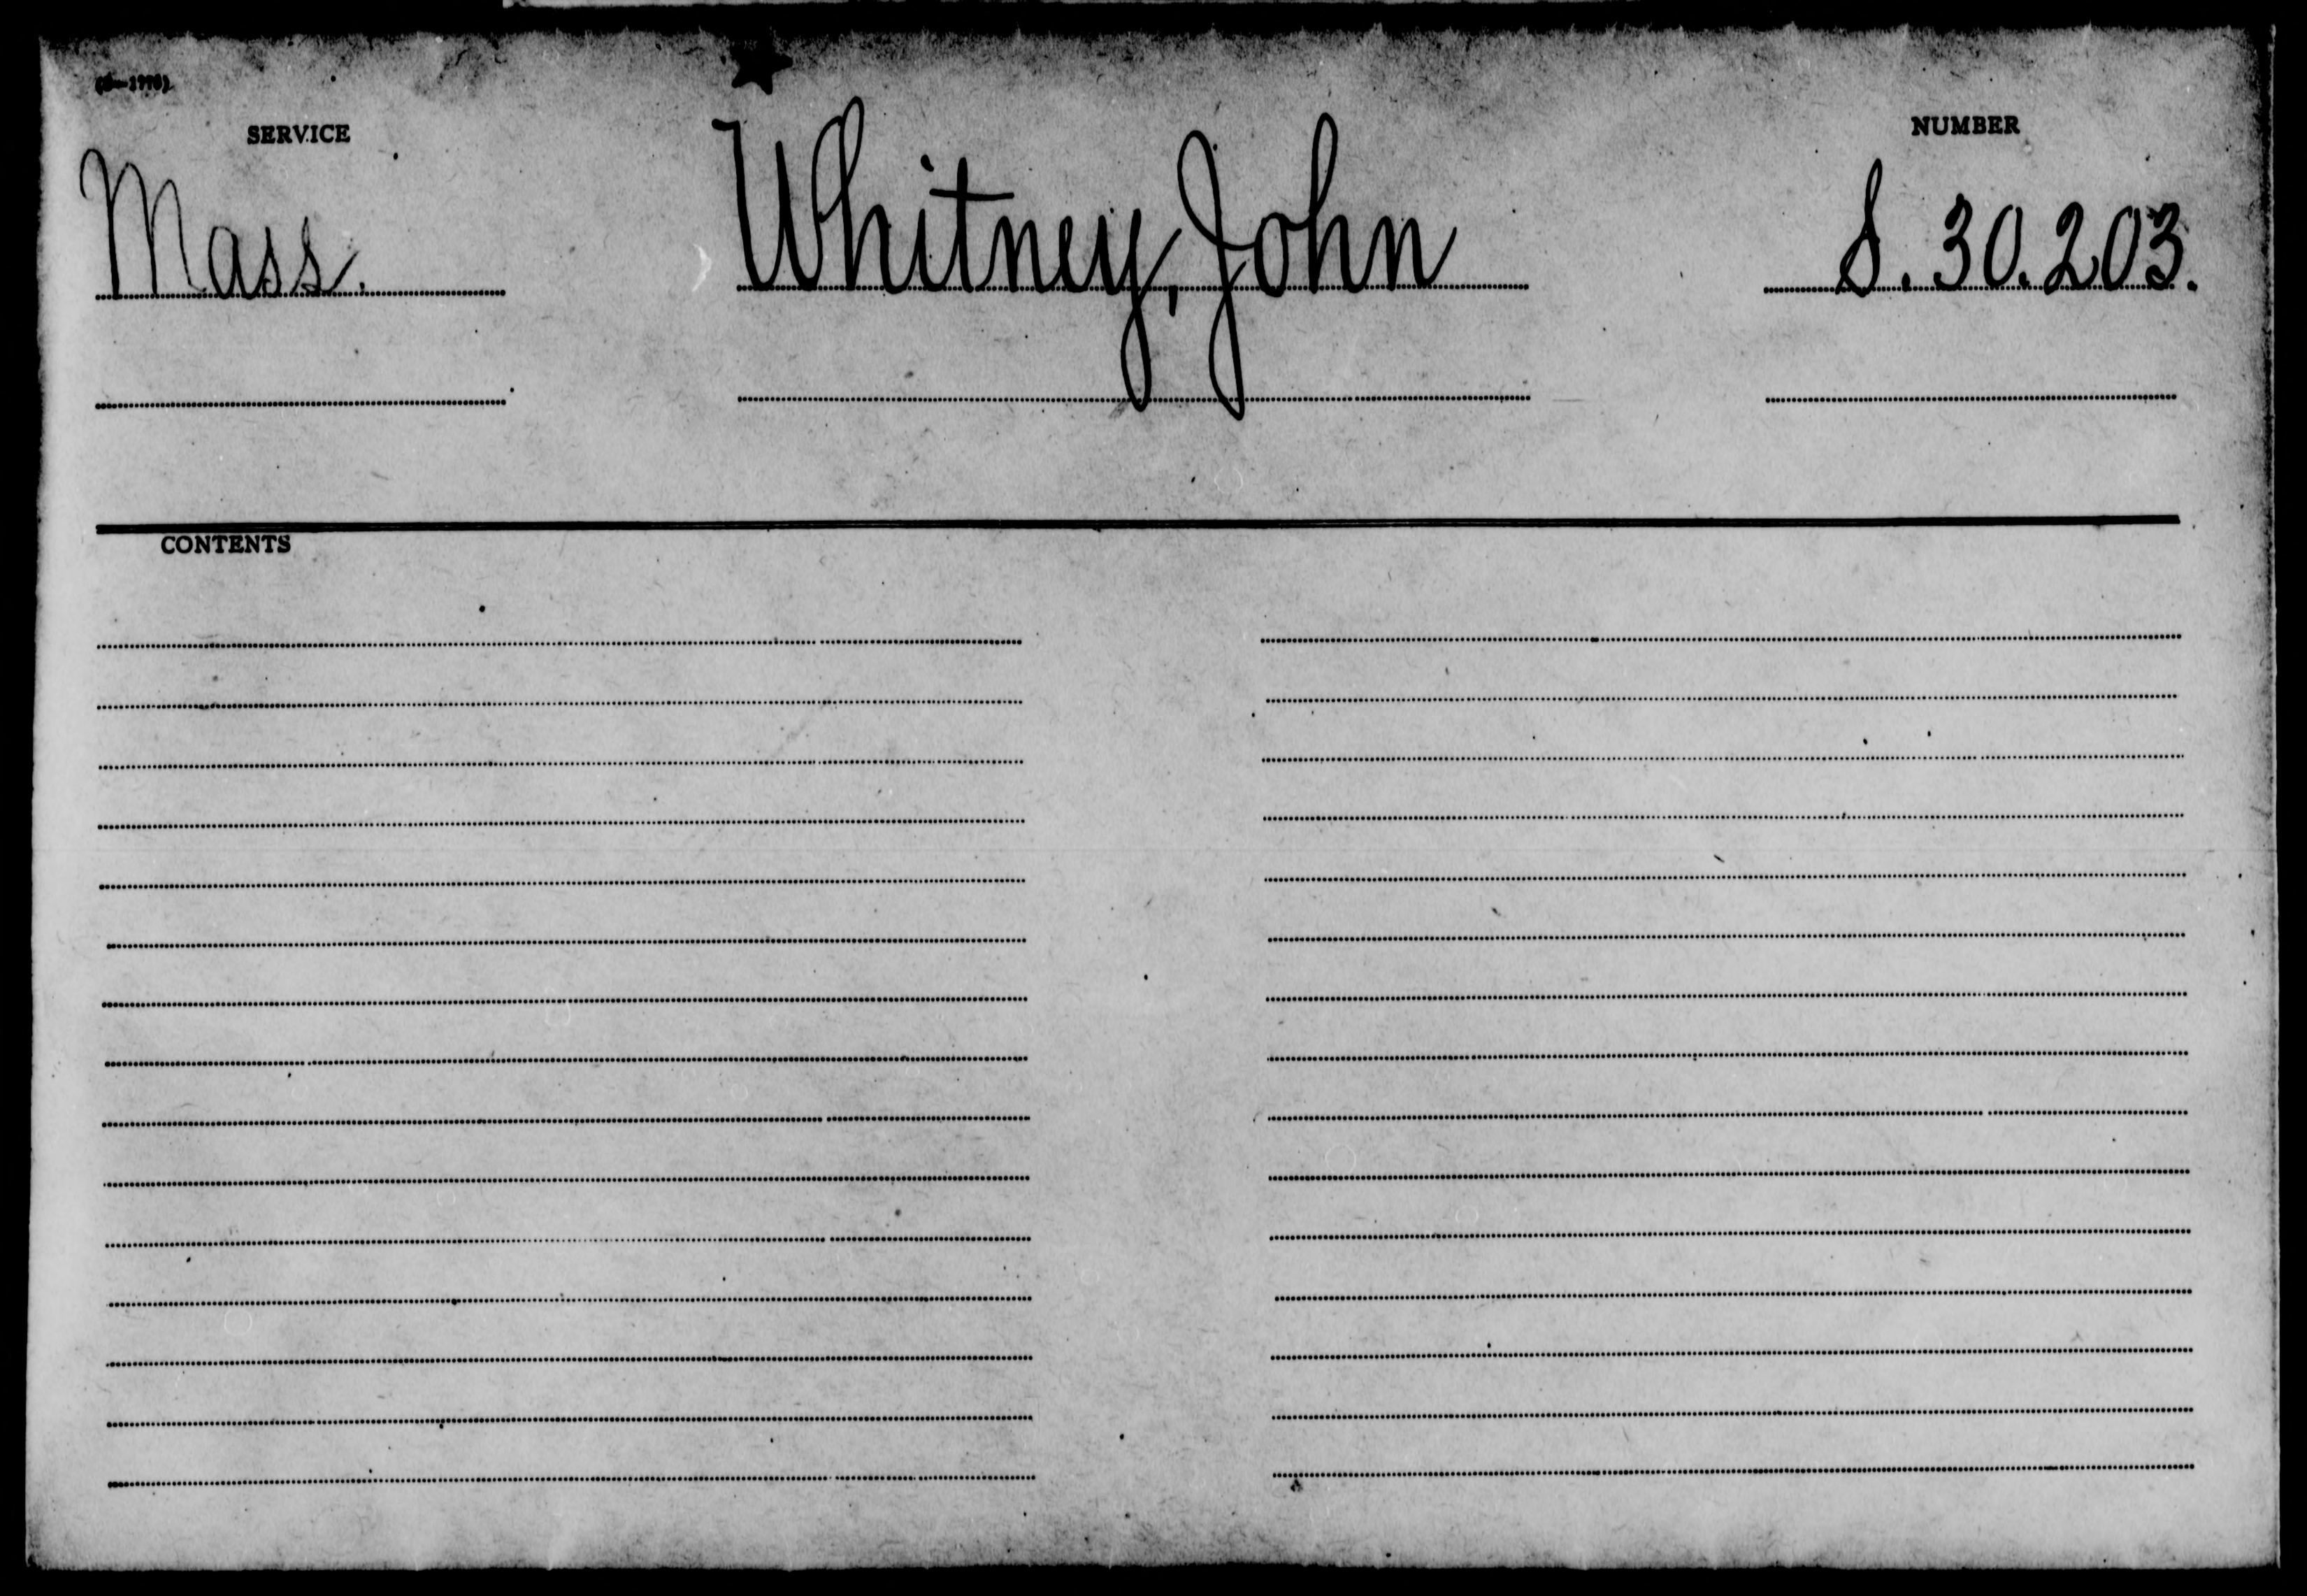Whitney, John
Service Mass.
Number S.30.203

Contents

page: 1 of 10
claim: survivor's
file: S. 30,203, John Whitney, Mass.